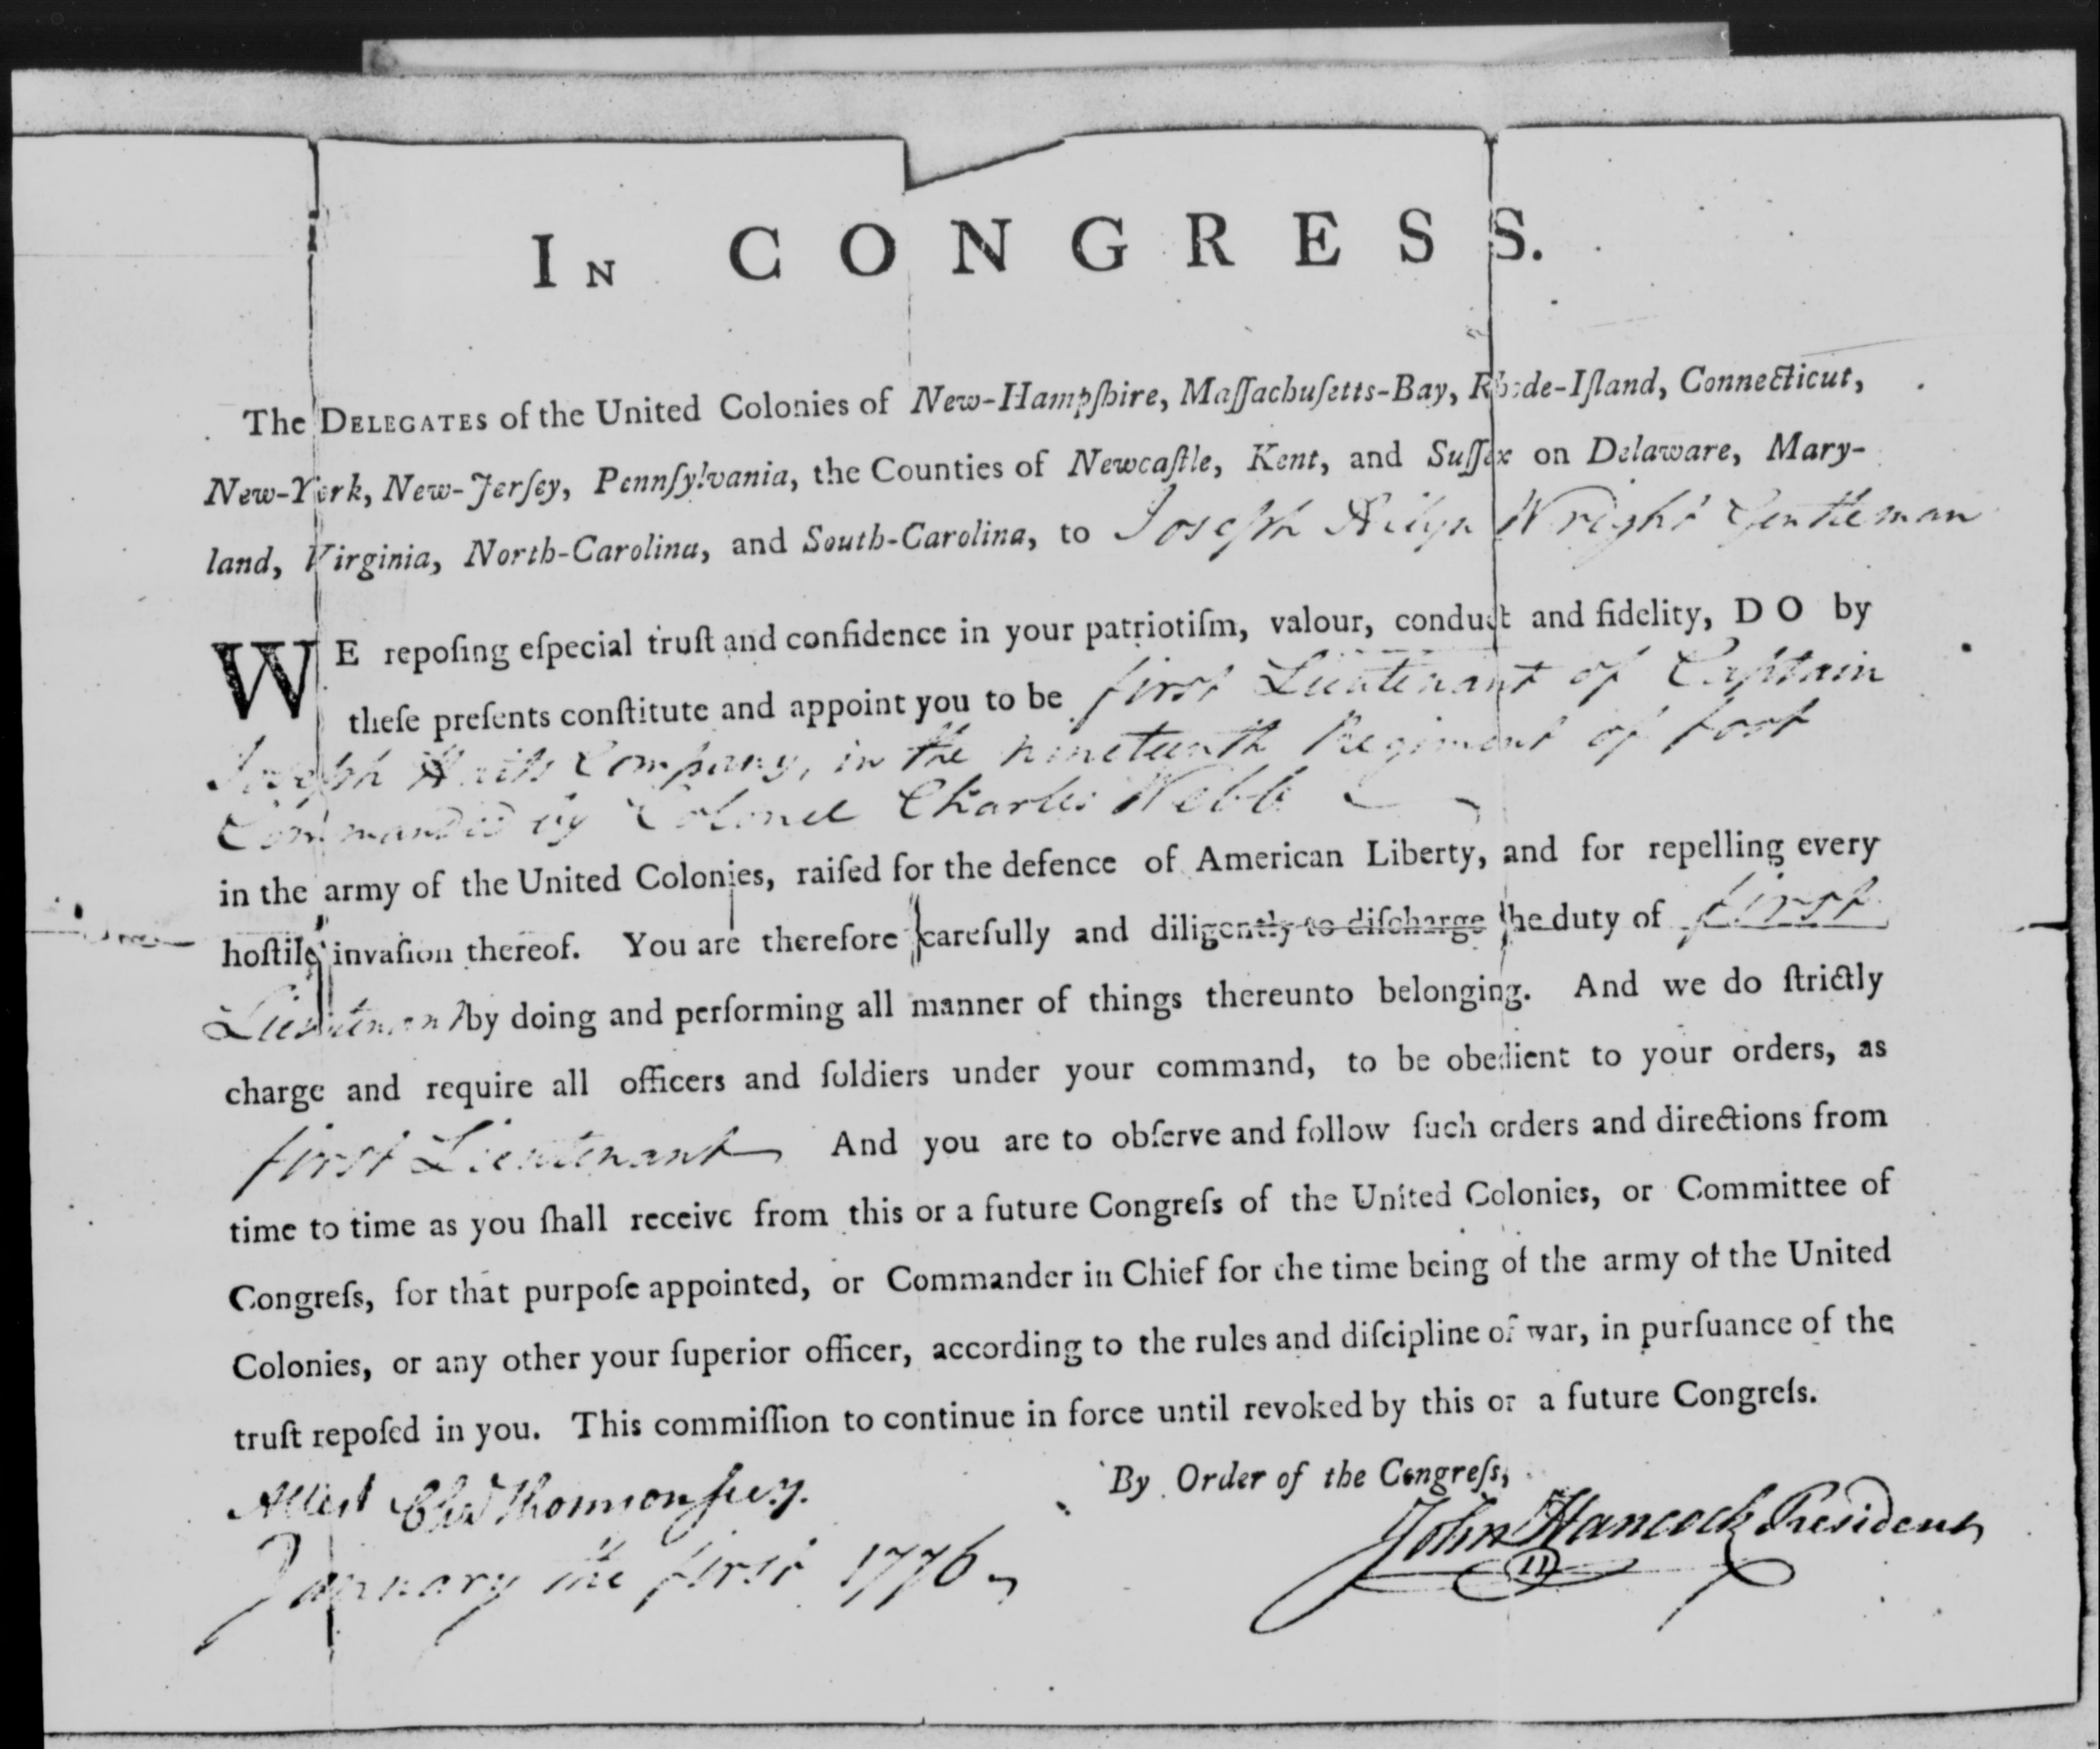IN CONGRESS
The DELEGATES of the United Colonies of New-Hampshire, Massachusetts-Bay, Rhode-Island, Connecticut,
New-York, New-Jersey, Pennsylvania, the Counties of Newcastle, Kent, and Suffex on Delaware, Mary-
land, Virginia, North-Carolina, and South-Carolina, to Joseph Allyn Wright, Gentleman.
WE reposing especial trust and confidence in your patriotism, valour, conduct, and fidelity, DO by
these presents constitute and appoint you to be First Lieutenant of Captain
Joseph [illegible] Company, in the nineteenth Regiment of fort
Commanded by Colonel Charles Webb
in the army of the United Colonies, raised for the defence of American Liberty, and for repelling every
hostile invasion thereof. You are therefore carefully and diligently to discharge the duty of first
Lieutenant by doing and performing all manner of things thereunto belonging. And we do strictly
charge and require all officers and soldiers under your command, to be obedient to your orders, as
First Lieutenant. And you are to observe and follow such orders and directions from 
time to time as you shall receive from this or a future Congress of the United Colonies, or Committee of
Congress, for that purpose appointed, or Commander in Chief for the time being of the army of the United
Colonies, or any other your superior officer, according to the rules and discipline of war, in pursuance of the
trust reposed in you. This commission to continue in force until revoked by this or a future Congress.
By Order of the Congress,
[illegible] Thomson
January the First 1776,     John Hancock President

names: Joseph Allyn Wright, Chas Thomson, John Hancock, Charles Webb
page: 12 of 13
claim: survivor's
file: S. 36855, Joseph Allyn Wright, Conn. Continental